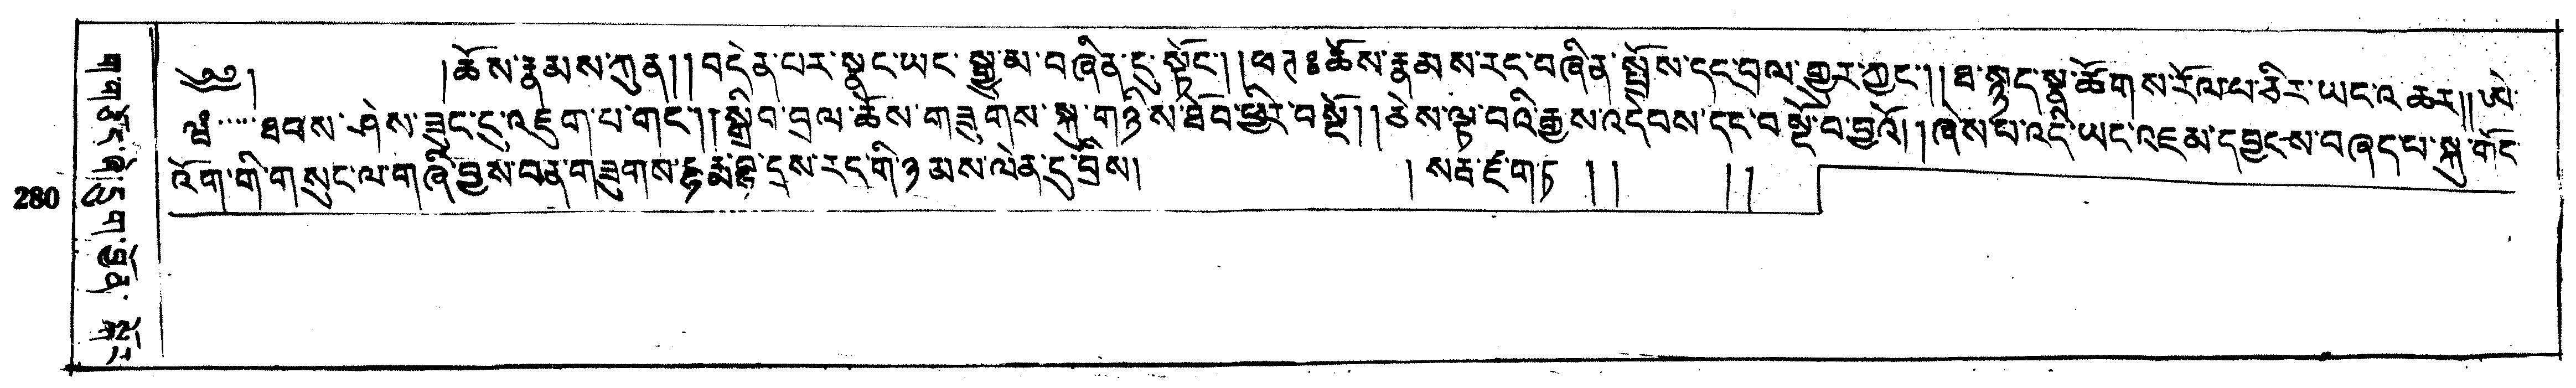༄༅། །ཆོས་རྣམས་ཀུན། །བདེན་པར་སྣང་ཡང་སྒྱུ་མ་བཞིན་དུ་སྟོང་། །ཕཊཿ ཆོས་རྣམས་རང་བཞིན་སྤྲོས་དང་བྲལ་གྱུར་ཀྱང་། །ཐ་སྙད་སྣ་ཚོགས་རོལ་པ་ཅིར་ཡང་འཆར། །ཨེ་
ཝཾ་ཐབས་ཤེས་ཟུང་དུ་འཇུག་པ་གང་། །སྒྲིབ་བྲལ་ཆོས་གཟུགས་སྐུ་གཉིས་ཐོབ་ཕྱིར་བསྔོ། །ཅེས་ལྟ་བའི་རྒྱས་འདེབས་དང་བསྔོ་བ་བྱའོ། །ཞེས་པ་འདི་ཡང་འཇམ་དབྱངས་བཞད་པ་སྐུ་གོང་
འོག་གི་གསུང་ལ་གཞི་བྱས་བན་གཟུགས་དྷརྨ་བྷ་དྲས་རང་གི་ཉམས་ལེན་དུ་བྲིས། །སརྦ་ཛ་ག་ཏ་།། །།